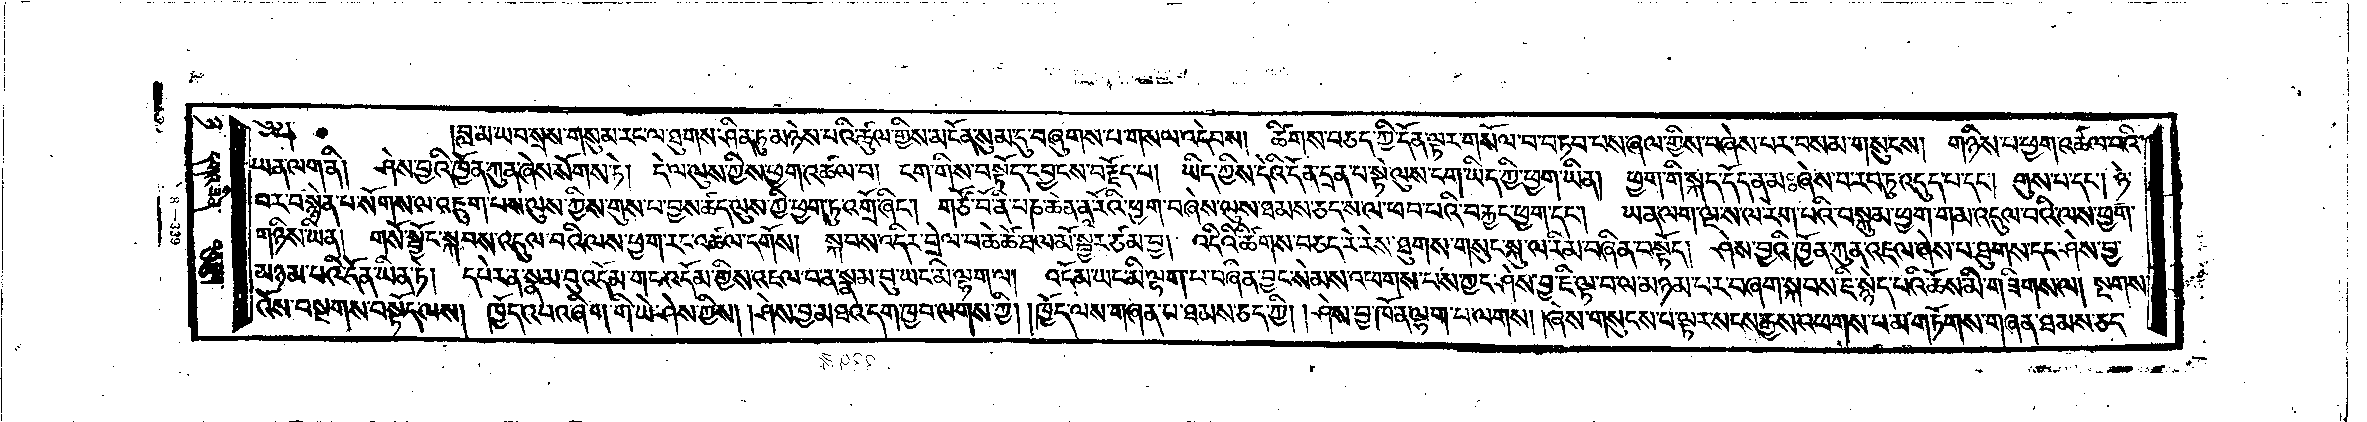༄༅། །བླ་མ་ཡབ་སྲས་གསུམ་རང་ལ་ཐུགས་ཤིན་ཏུ་མཉེས་པའི་ཚུལ་གྱིས་མངོན་སུམ་དུ་བཞུགས་པ་གསོལ་འདེབས། ཚིགས་བཅད་ཀྱི་དོན་ལྟར་གསོལ་བ་བཏབ་པས་ཞལ་གྱིས་བཞེས་པར་བསམ་གསུངས། གཉིས་པ་ཕྱག་འཚལ་བའི་
ཡན་ལག་ནི། ཤེས་བྱའི་ཁྱོན་ཀུན་ཞེས་སོགས་ཏེ། དེ་ལ་ལུས་ཀྱིས་ཕྱག་འཚལ་བ། ངག་གིས་བསྟོད་དབྱངས་བརྗོད་པ། ཡིད་ཀྱིས་དེའི་དོན་དྲན་པ་སྟེ་ལུས་ངག་ཡིད་ཀྱི་ཕྱག་ཡིན། ཕྱག་གི་སྐད་དོད་ན་མཿ ཞེས་པ་རབ་ཏུ་འདུད་པ་དང་། གུས་པ་དང་། ཉེ་
བར་བསྙེན་པ་སོགས་ལ་འཇུག་པས་ལུས་ཀྱིས་གུས་པ་བྱས་ཚད་ལུས་ཀྱི་ཕྱག་ཏུ་འགྲོ་ཞིང་། གཙོ་བོ་ནི་པཎ་ཆེན་ནཱ་རོའི་ཕྱག་བཞེས་ལུས་ཐམས་ཅད་ས་ལ་ཕབ་པའི་བརྐྱང་ཕྱག་དང་། ཡན་ལག་ལྔ་ས་ལ་རེག་པའི་བསྐུམ་ཕྱག་གམ་འདུལ་བའི་ལས་ཕྱག་
གཉིས་ཡིན། གསོ་སྦྱོང་སྐབས་འདུལ་བའི་ལས་ཕྱག་རང་འཚལ་དགོས། སྐབས་འདིར་བྲེལ་བ་ཆེ་ཚི་ཐལ་མོ་སྦྱར་ཙམ་བྱ། འདིའི་ཚིགས་བཅད་རེ་རེས་ཐུགས་གསུང་སྐུ་ལ་རིམ་བཞིན་བསྟོད། ཤེས་བྱའི་ཁྱོན་ཀུན་འཇལ་ཞེས་པ་ཐུགས་དང་ཤེས་བྱ་
མཉམ་པའི་དོན་ཡིན་ཏེ། དཔེར་ན་སྣམ་བུ་འདོམ་གང་འདོམ་གྱིས་འཇལ་བ་ན་སྣམ་བུ་ཡང་མི་ལྷག་ལ། འདོམ་ཡང་མི་ལྷག་པ་བཞིན་བྱང་སེམས་འཕགས་པས་ཀྱང་ཤེས་བྱ་ཇི་ལྟ་བ་ལ་མཉམ་པར་བཞག་སྐབས་ཇི་སྙེད་པའི་ཆོས་མི་གཟིགས་ལ། སྔགས་
འོས་བསྔགས་བསྟོད་ལས། ཁྱོད་འབའ་ཞིག་གི་ཡེ་ཤེས་ཀྱིས། །ཤེས་བྱ་མཐའ་དག་ཁྱབ་ལགས་ཀྱི། །ཁྱོད་ལས་གཞན་པ་ཐམས་ཅད་ཀྱི། །ཤེས་བྱ་ཁོ་ན་ལྷག་པ་ལགས། །ཞེས་གསུངས་པ་ལྟར་སངས་རྒྱས་འཕགས་པ་མ་གཏོགས་གཞན་ཐམས་ཅད་